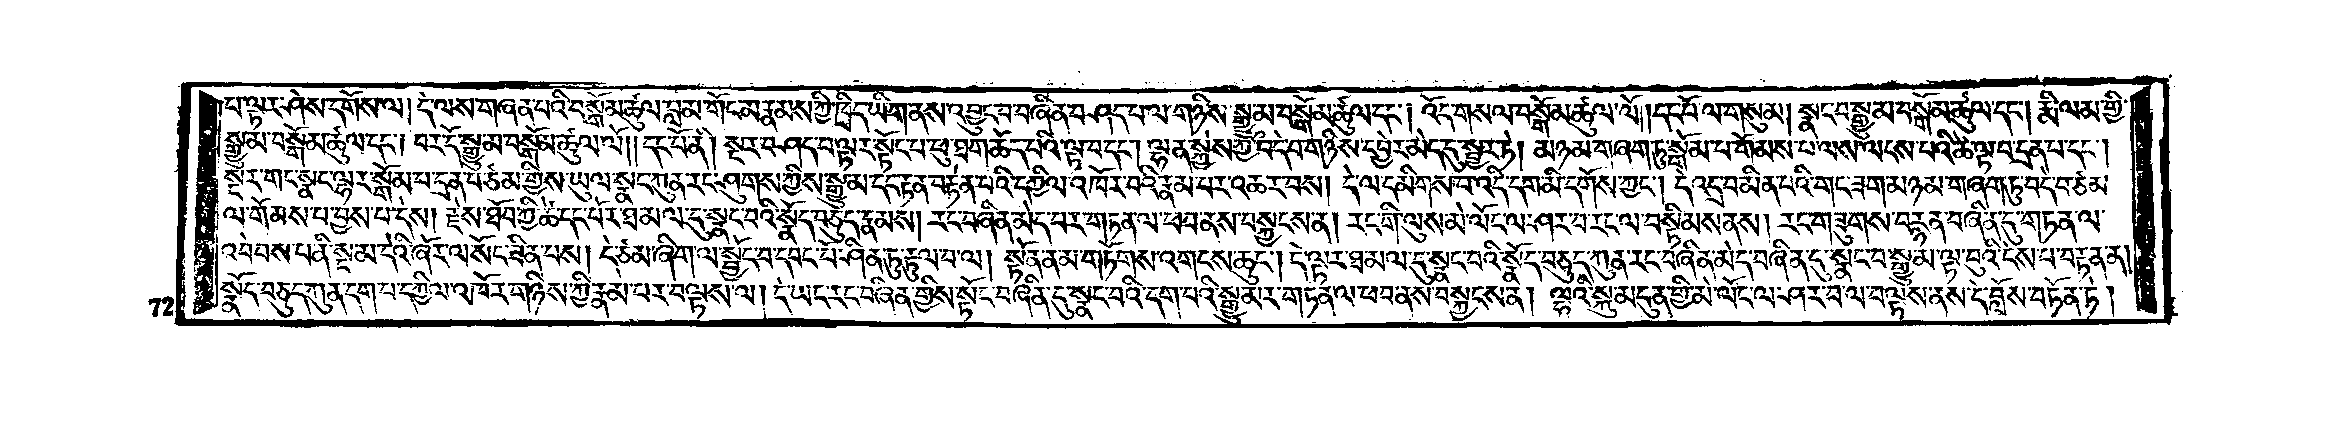པ་ལྟར་ཤེས་དགོས་ལ། དེ་ལས་གཞན་པའི་བསྒོམ་ཚུལ་བླ་མ་གོང་མ་རྣམས་ཀྱི་ཁྲིད་ཡིག་ནས་འབྱུང་བ་བཞིན་བཤད་པ་ལ་གཉིས། སྒྱུ་མ་བསྒོམ་ཚུལ་དང་། འོད་གསལ་བསྒོམ་ཚུལ་ལོ། །དང་པོ་ལ་གསུམ། སྣང་བ་སྒྱུ་མ་བསྒོམ་ཚུལ་དང་། རྨི་ལམ་གྱི་
སྒྱུ་མ་བསྒོམ་ཚུལ་དང་། བར་དོ་སྒྱུ་མ་བསྒོམ་ཚུལ་ལོ། །དང་པོ་ནི། སྔར་བཤད་པ་ལྟར་སྟོང་པ་ཕུ་ཐག་ཆོད་པའི་ལྟ་བ་དང་། ལྷན་སྐྱེས་ཀྱི་བདེ་བ་གཉིས་དབྱེར་མེད་དུ་སྦྱར་ཏེ། མཉམ་གཞག་ཏུ་སྒོམ་པ་གོམས་པ་ལས་ལངས་པའི་ཚེ་ལྟ་བ་དྲན་པ་དང་།
སྔར་གང་སྣང་ལྷར་སྒོམ་པ་དྲན་པ་ཙམ་གྱིས་ཡུལ་སྣང་ཀུན་རང་ཤུགས་ཀྱིས་སྒྱུ་མ་དང་རྟན་བརྟེན་པའི་དཀྱིལ་འཁོར་བའི་རྣམ་པར་འཆར་བས། དེ་ལ་དམིགས་པ་འདི་དག་མི་དགོས་ཀྱང་། དེ་འདྲ་བ་མིན་པའི་གང་ཟག་མཉམ་གཞག་ཏུ་བདེ་བ་ཙམ་
ལ་གོམས་པ་བྱས་པ་དེས། རྗེས་ཐོབ་ཀྱི་ཚེ་དང་པོར་ཐ་མལ་དུ་སྣང་བའི་སྣོད་བཅུད་རྣམས། རང་བཞིན་མེད་པར་གཏན་ལ་ཕབ་ནས་བསྐྱངས་ན། རང་གི་ལུས་མེ་ལོང་ལ་ཤར་བ་རང་ལ་བསྟིམས་ནས། རང་གཟུགས་བརྙན་བཞིན་དུ་གཏན་ལ་
འབེབས་པ་ནི་སྔ་མ་དེའི་ཞོར་ལ་སོང་ཟིན་པས། དེ་ཙམ་ཞིག་ལ་སྦྱོང་བ་དབང་པོ་ཤིན་ཏུ་རྟུལ་བ་ལ། སྟོན་ན་མ་གཏོགས་འགངས་ཆུང་། དེ་ལྟར་ཐ་མལ་དུ་སྣང་བའི་སྣོད་བཅུད་ཀུན་རང་བཞིན་མེད་བཞིན་དུ་སྣང་བ་སྒྱུ་མ་ལྟ་བུའི་ངེས་པ་བརྟན་ན།
སྣོད་བཅུད་ཀུན་དག་པ་དཀྱིལ་འཁོར་གཉིས་ཀྱི་རྣམ་པར་བལྟས་ལ། དེ་ཡང་རང་བཞིན་གྱིས་སྟོང་བཞིན་དུ་སྣང་བའི་དག་པའི་སྒྱུ་མར་གཏན་ལ་ཕབ་ནས་བསྐྱངས་ན། ལྷའི་སྐུ་མདུན་གྱི་མེ་ལོང་ལ་ཤར་བ་ལ་བལྟས་ནས་དེ་བློས་བཏོན་ཏེ།